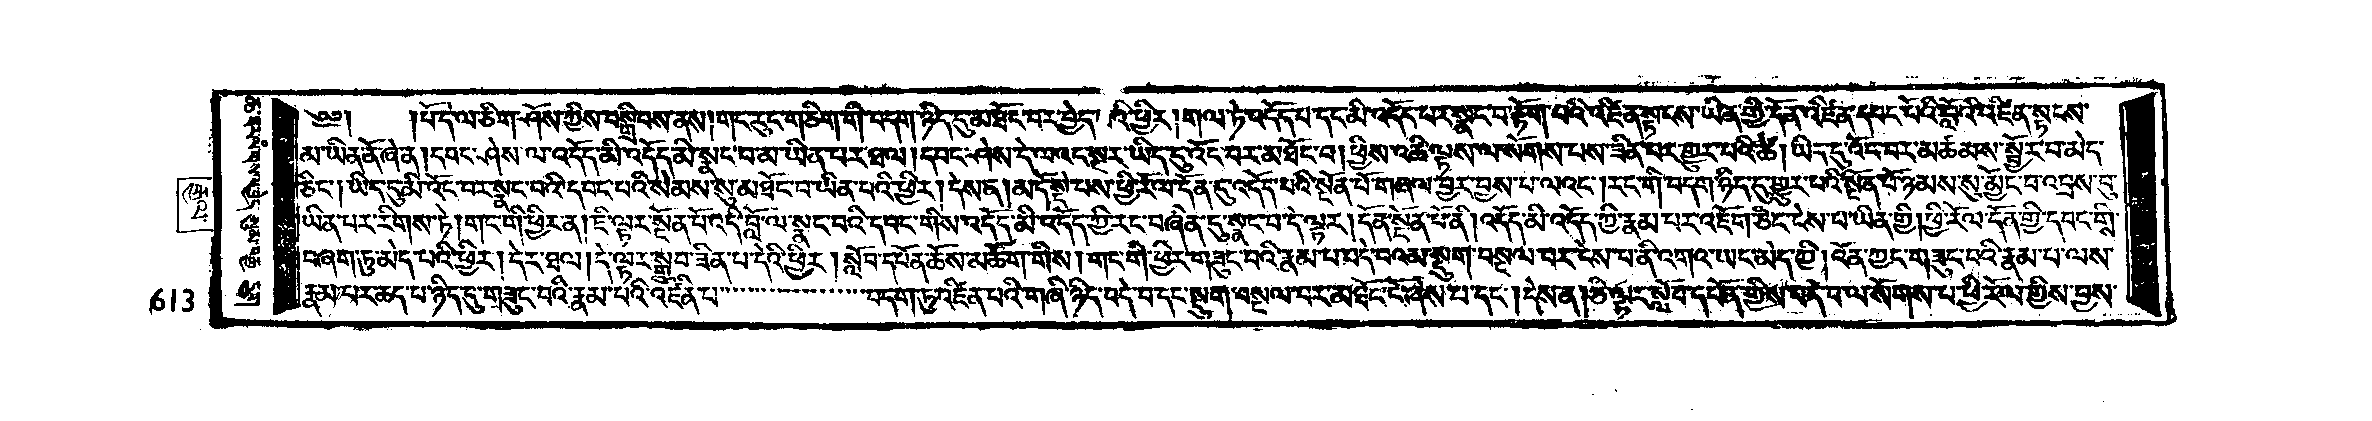༄༅། །པ་དེ་ལ་ཅིག་ཤོས་ཀྱིས་བསྒྲིབས་ནས། གང་རུང་གཅིག་གི་བདག་ཉིད་དུ་མཐོང་བར་བྱེད་པའི་ཕྱིར། གལ་ཏེ་འདོད་པ་དང་མི་འདོད་པར་སྣང་བ་རྟོག་པའི་འཛིན་སྟངས་ཡིན་གྱི་དོན་འཛིན་དབང་པོའི་བློའི་འཛིན་སྟངས་
མ་ཡིན་ནོ་ཞེ་ན། དབང་ཤེས་ལ་འདོད་མི་འདོད་མི་སྣང་བ་མ་ཡིན་པར་ཐལ། དབང་ཤེས་དེ་ལའང་སྤར་ཡིད་དུ་འོང་བར་མཐོང་བ། ཕྱིས་འཆི་ལྟས་ལ་སོགས་པས་ཟིན་པར་གྱུར་པའི་ཚེ། ཡིད་དུ་འོང་བར་མཚམས་སྦྱོར་བ་མེད་
ཅིང་། ཡིད་དུ་མི་འོང་བར་སྣང་བའི་དབང་པའི་སེམས་སུ་མཐོང་བ་ཡིན་པའི་ཕྱིར། དེས་ན། མདོ་སྡེ་པས་ཕྱི་རོལ་དོན་དུ་འདོད་པའི་སྔོན་པོ་གཞལ་བྱར་བྱས་པ་ལའང་། རང་གི་བདག་ཉིད་དུ་གྱུར་པའི་སྔོན་པོ་ཉམས་སུ་མྱོང་བ་འབྲས་བུ་
ཡིན་པར་རིགས་ཏེ། གང་གི་ཕྱིར་ན། ཇི་ལྟར་སྔོན་པོ་འདི་བློ་ལ་སྣང་བའི་དབང་གིས་འདོད་མི་འདོད་ཀྱི་རང་བཞིན་དུ་སྣང་བ་དེ་ལྟར། དོན་སྔོན་པོ་ནི། འདོད་མི་འདོད་ཀྱི་རྣམ་པར་འཇོག་ཅིང་ངེས་པ་ཡིན་གྱི། ཕྱི་རོལ་དོན་གྱི་དབང་གིས་
བཞག་ཏུ་མེད་པའི་ཕྱིར། དེར་ཐལ། དེ་ལྟར་སྒྲུབ་ཟིན་པ་དེའི་ཕྱིར། སློབ་དཔོན་ཆོས་མཆོག་གིས། གང་གི་ཕྱིར་གཟུང་བའི་རྣམ་པ་བདེ་བའམ་སྡུག་བསྔལ་བར་ངེས་པ་ནི་འགའ་ཡང་མེད་ཀྱི། འོན་ཀྱང་གཟུང་བའི་རྣམ་པ་ལས་
རྣམ་པར་ཆད་པ་ཉིད་དུ་གཟུང་བའི་རྣམ་པའི་འཛིན་པ་བདག་ཏུ་འཛིན་པའི་གཞི་ཉིད་བདེ་བ་དང་སྡུག་བསྔལ་བར་མཐོང་ངོ་ཞེས་པ་དང་།དེས་ན། ཅི་ལྟར་སློབ་དཔོན་གྱིས་བདེ་བ་ལ་སོགས་པ་ཕྱི་རོལ་གྱིས་བྱས་